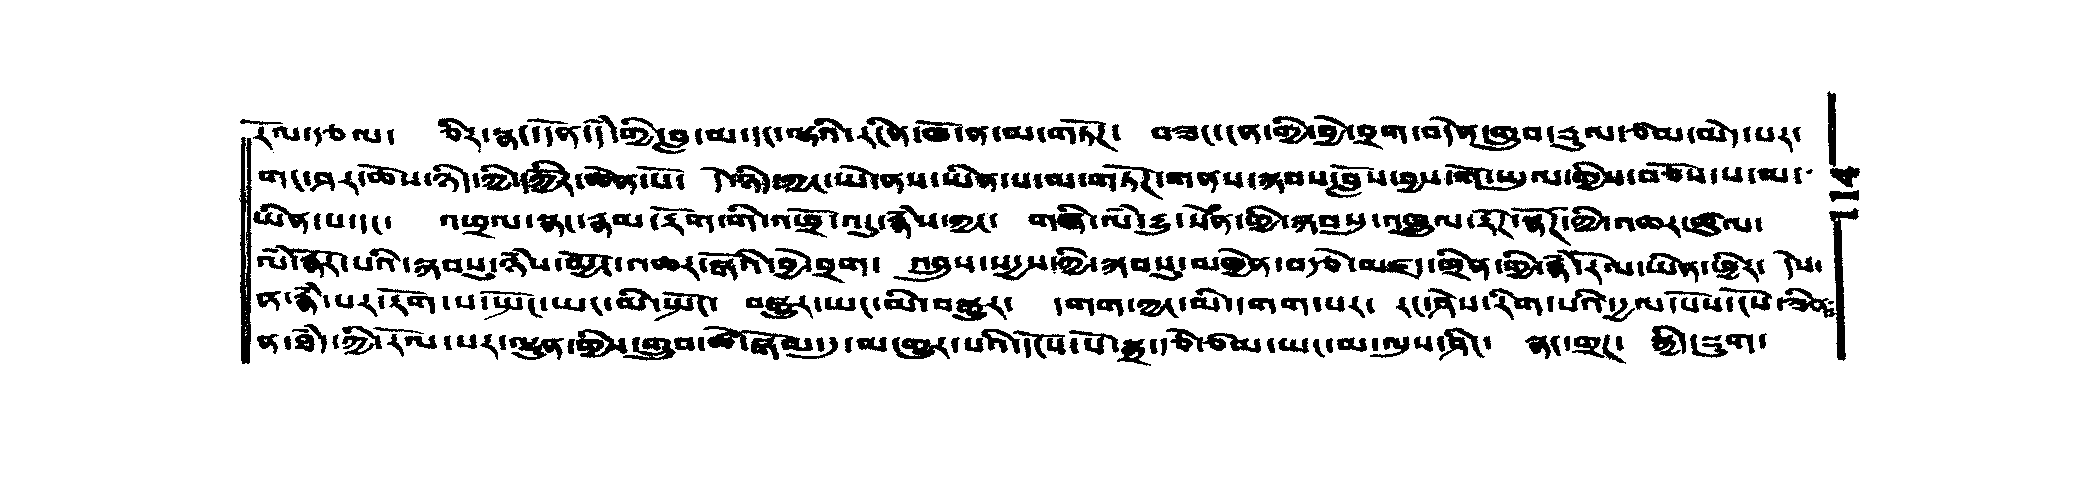རོལ་རྩལ། ཅིར་སྣང་དོན་དམ་གྱི་བླ་མ་དང་ལྷའི་རང་བཞིན་ཁོ་ན་མ་གཏོགས་བཟང་ངན་གྱི་བྱེ་བྲག་བདེན་གྲུབ་རྡུལ་ཙམ་མེད་པར། 
གང་ཤར་ཆོས་ཉིད་ཀྱི་དཀྱིལ་འཁོར་ཆེན་པོ་དེ་ཉིད་ཀྱང་ཡེ་ནས་ཡིན་པ་མ་གཏོགས་གནས་སྐབས་བློས་བྱས་གོ་ཡུལ་གྱི་བཅོས་པ་མ་
ཡིན་པ་དང་། འཕྲལ་སྣང་རྣམ་རྟོག་གི་འཕྲོ་འདུ་རྣམས་ཀྱང་། གཞི་ལམ་རྒྱུ་སེམས་ཅན་གྱི་གནས་སྐབས་སུ་འཁྲུལ་རྟོག་སྣ་ཚོགས་ཀྱི་འཆར་ཚུལ་
ལམ་རྣལ་འབྱོར་པའི་སྐབས་སུ་ཉམས་མྱོང་འཆར་སྒོའི་བྱེ་བྲག འབྲས་བུ་སངས་རྒྱས་ཀྱི་སྐབས་སུ་མཁྱེན་བརྩེ་མཛད་ཕྲིན་གྱི་རྣམ་རོལ་ཡིན་ཕྱིར། དེས་
ན་རྣམ་པར་རྟོག་པ་སྤོང་ཡང་མི་སྤོང་བསྒྱུར་ཡང་མི་བསྒྱུར། དགག་ཀྱང་མི་དགག་པར། རང་ཤེས་རིག་པའི་རྒྱལ་པོས་ངོས་ཟིན་
ན་ཐམས་ཅད་ཀྱི་རོལ་པར་ལྷུན་གྱིས་གྲུབ་ཚེ་སྒོམ་དུ་མ་གྱུར་བའི་དངོས་པོ་སྐྲ་རྩེ་ཙམ་ཡང་མི་ལུས་ཤིང་།སྣང་གྲགས། སྐྱིད་སྡུག